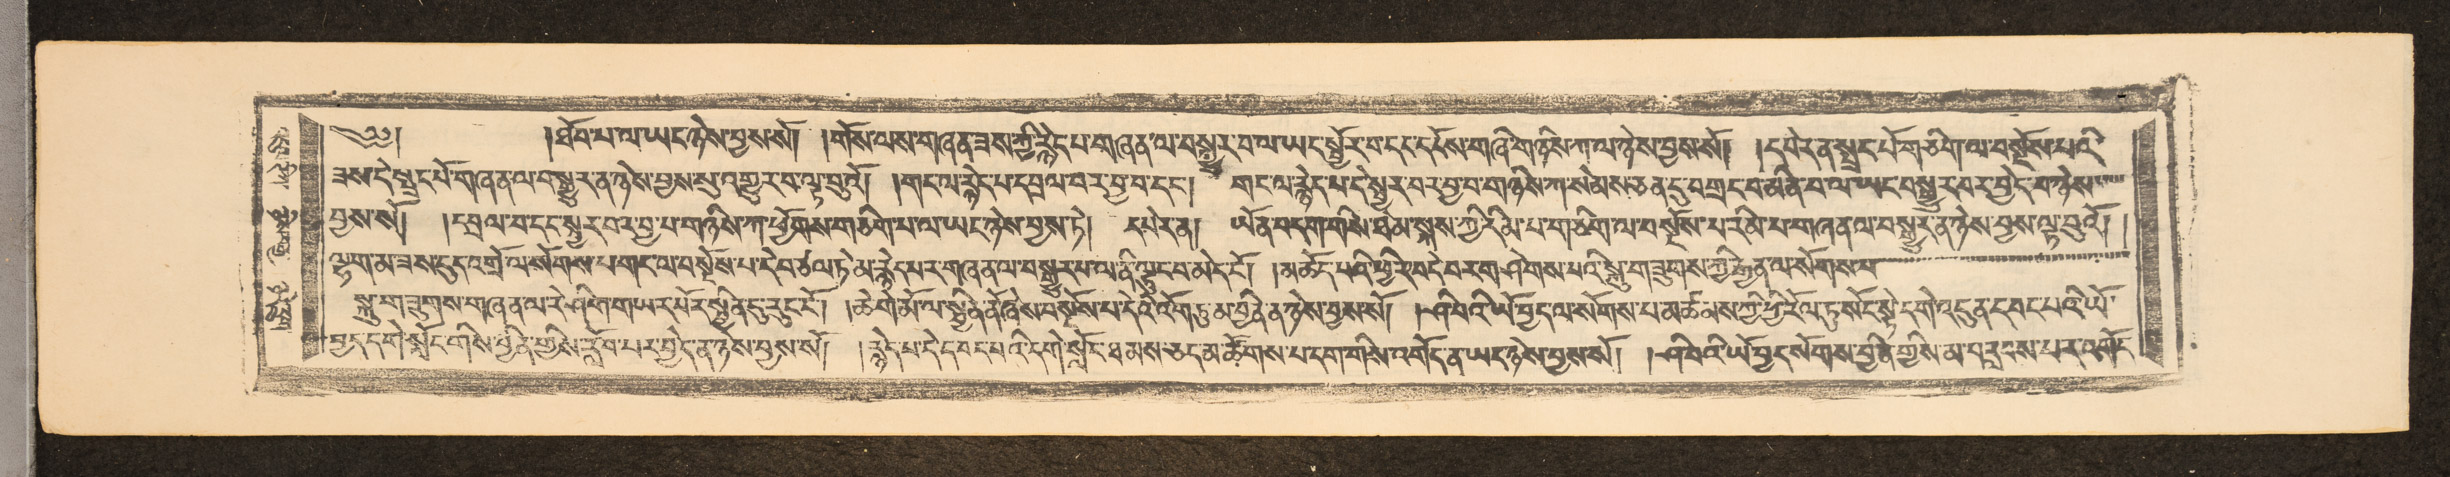༄༅། །ཐོབ་པ་ལ་ཡང་ཉེས་བྱས་སོ། །གོས་ལས་གཞན་ཟས་ཀྱི་རྙེད་པ་གཞན་ལ་བསྒྱུར་བ་ལ་ཡང་སྦྱོར་བ་དང་དངོས་གཞི་གཉིས་ཀ་ལ་ཉེས་བྱས་སོ། །དབེར་ན་སྤྲང་པོ་གཅིག་ལ་བསྡོས་པའི་
ཟས་དེ་སྦྲང་པོ་གཞན་ལ་བསྒྱུར་ན་ཉེས་བྱས་སུ་འགྱུར་བ་ལྟ་བུའོ། །གང་ལ་རྙེད་པ་དབྲལ་བར་བྱ་བ་དང་། གང་ལ་རྙེད་པ་དེ་སྦྱར་བར་བྱ་བ་གཉིས་ཀ་སེམས་ཅན་དུ་བགྲང་བ་མིན་བ་ལ་ཡང་བསྒྱུར་བར་བྱེད་པ་ཉེས་
བྱས་སོ། །དབྲལ་བ་དང་སྦྱར་བར་བྱ་བ་གཉིས་ཀ་ཕྱོགས་གཅིག་པ་ལ་ཡང་ཉེས་བྱས་ཏེ། དཔེར་ན། ཡོན་བདག་གིས་ཐེམ་སྐས་ཀྱི་རིམ་པ་གཅིག་ལ་བསྔོས་པ་རིམ་པ་གཞན་ལ་བསྒྱུར་ན་ཉེས་བྱས་ལྟ་བུའོ། །
ལྷག་མ་ཟ་བ་དུད་འགྲོ་ལ་སོགས་པ་གང་ལ་བསྔོས་པ་དེ་བཙལ་ཏེ་མ་རྙེད་བར་གཞན་ལ་བསྒྱུར་བ་ལ་ནི་ལྟུད་བ་མེད་དོ། །མཆོད་པའི་ཕྱིར་བདེ་བར་གཤེགས་པའི་སྐུ་གཟུགས་ཀྱི་རྒྱན་ལ་སོགས་པ་
སྐུ་གཟུགས་གཞན་ལ་རེ་ཤིག་གཡར་པོར་སྦྱིན་དུ་རུང་ངོ། །ཆེ་གེ་མོ་ལ་སྦྱིན་ནོ་ཞེས་བསྔོས་པ་དེའི་འོག་ཏུ་མ་བྱིན་ན་ཉེས་བྱས་སོ། །ཤི་བའི་ཡོ་བྱད་ལ་སོགས་པ་མཚམས་ཀྱི་ཕྱི་རོལ་ཏུ་སོང་སྟེ་དགེ་འདུན་དབང་བའི་ཡོ་
བྱད་དགེ་སློང་གིས་བྱིན་གྱིས་རློབ་པར་བྱེད་ན་ཉེས་བྱས་སོ། །རྙེད་པ་དེ་དབང་བའི་དགེ་སློང་ཐམས་ཅད་མ་ཚོགས་པ་དག་གིས་འགོད་ན་ཡང་ཉེས་བྱས་སོ། །ཤི་བའི་ཡོ་བྱད་སོགས་བྱིན་གྱིས་མ་བརླབས་པར་འགོད་